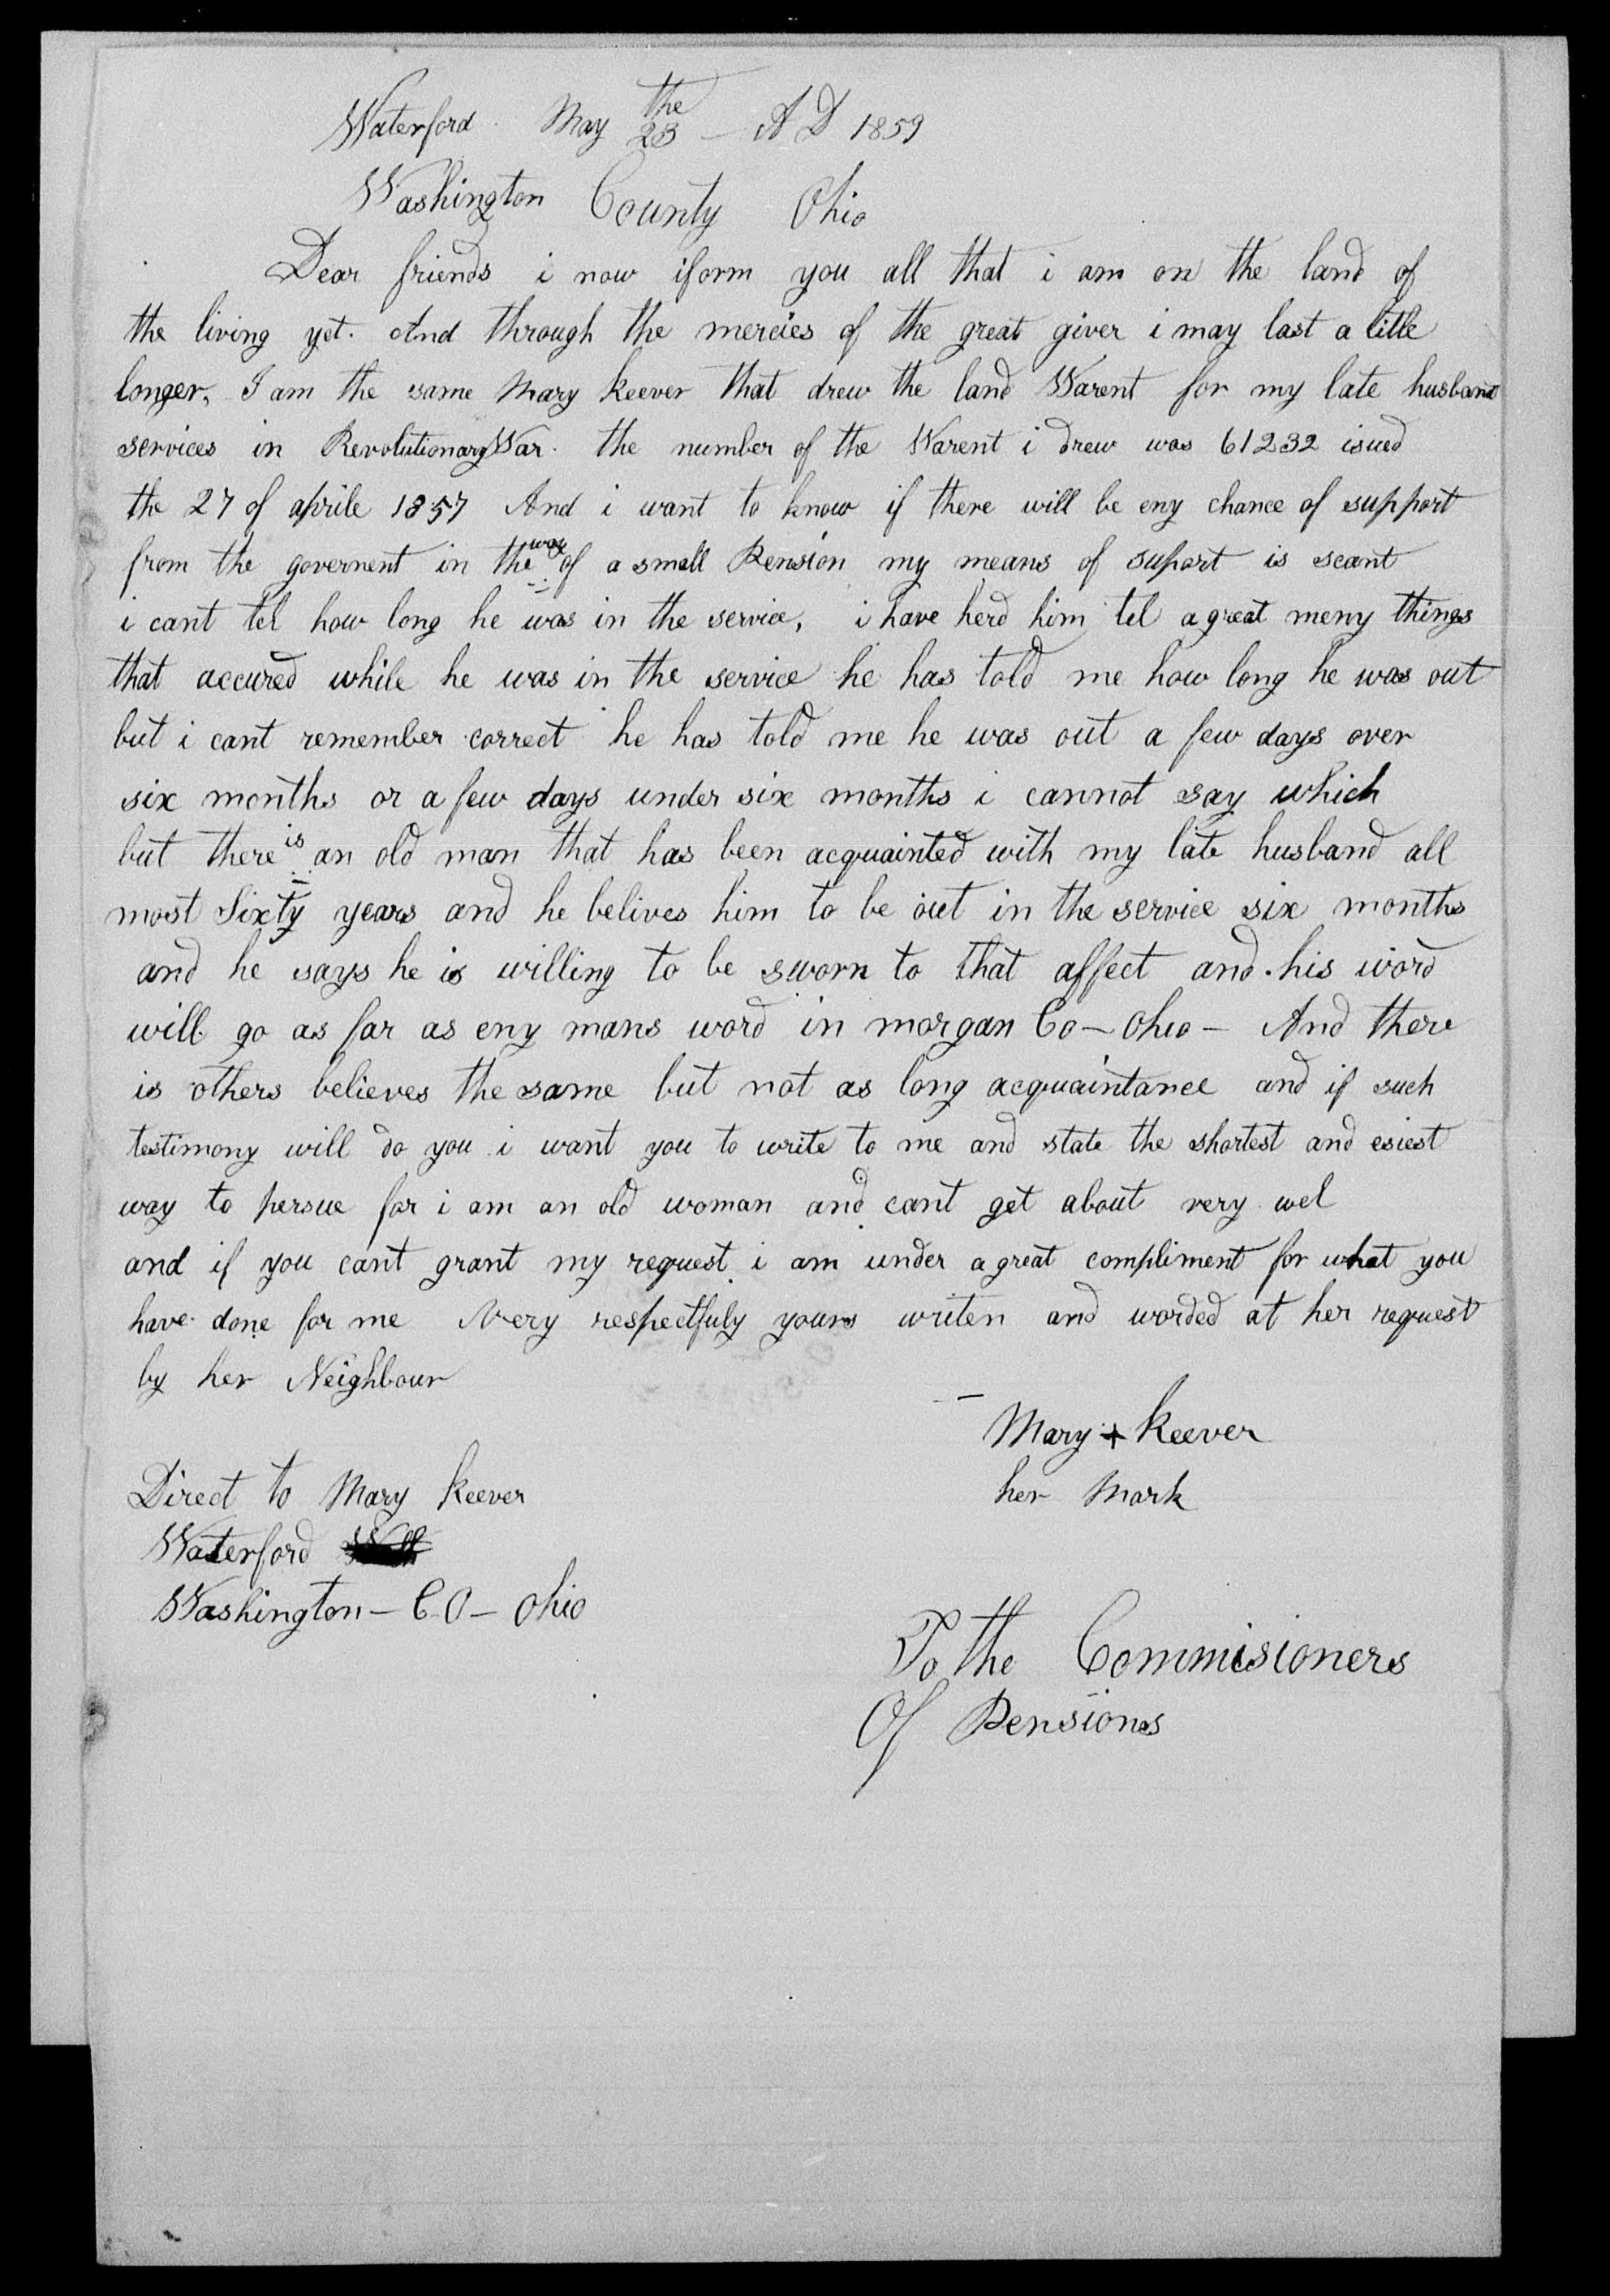Waterford May the 23, AD 1859 
Washington County Ohio 
Dear friends i now iform you all that i am on the land of 
the living yet. And through the mercies of the great giver i may last a litle 
longer, I am the same Mary Keever that drew the land Warent for my late husband 
services in Revolutionary War. the number of the Warent i drew was 61232 isued 
the 27 of aprile 1857 And i want to know if there will be any chance of support 
from the governent in the way of a small pension my means of suport is scant 
i cant tel how long he was in the service, I have herd him tel a great meny things 
that accured [occurred] while he was in the service he has told me how long he was out 
but i cant remember correct he has told me he was out a few days over 
six months or a few days under six months i cannot say which 
but there is an old man that has been acquainted with my late husband all 
most Sixty years and he belives him to be out in the service six months 
and he says he is willing to be sworn to that affect and his word 
will go as far as eny mans word in Morgan Co. Ohio. And there 
is others believes the same but not as long acquaintance and if such 
testimony will do you i want you to write to me and state the shortest and esiest [easiest] 
way to persue for I am an old woman and cant get about very wel 
and if you cant grant my request I am under a great compliment for what you have done for me Very respectfuly yours writen and worded at her request by her Neighbour 
Mary Keever her [handwritten]+ mark
Direct to Mary Keever 
Waterford 
Washington Co. Ohio 

To the Commisioners of Pensions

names: Mary Keever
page: 33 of 33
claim: rejected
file: R. 5814, for John Keever, Maryland